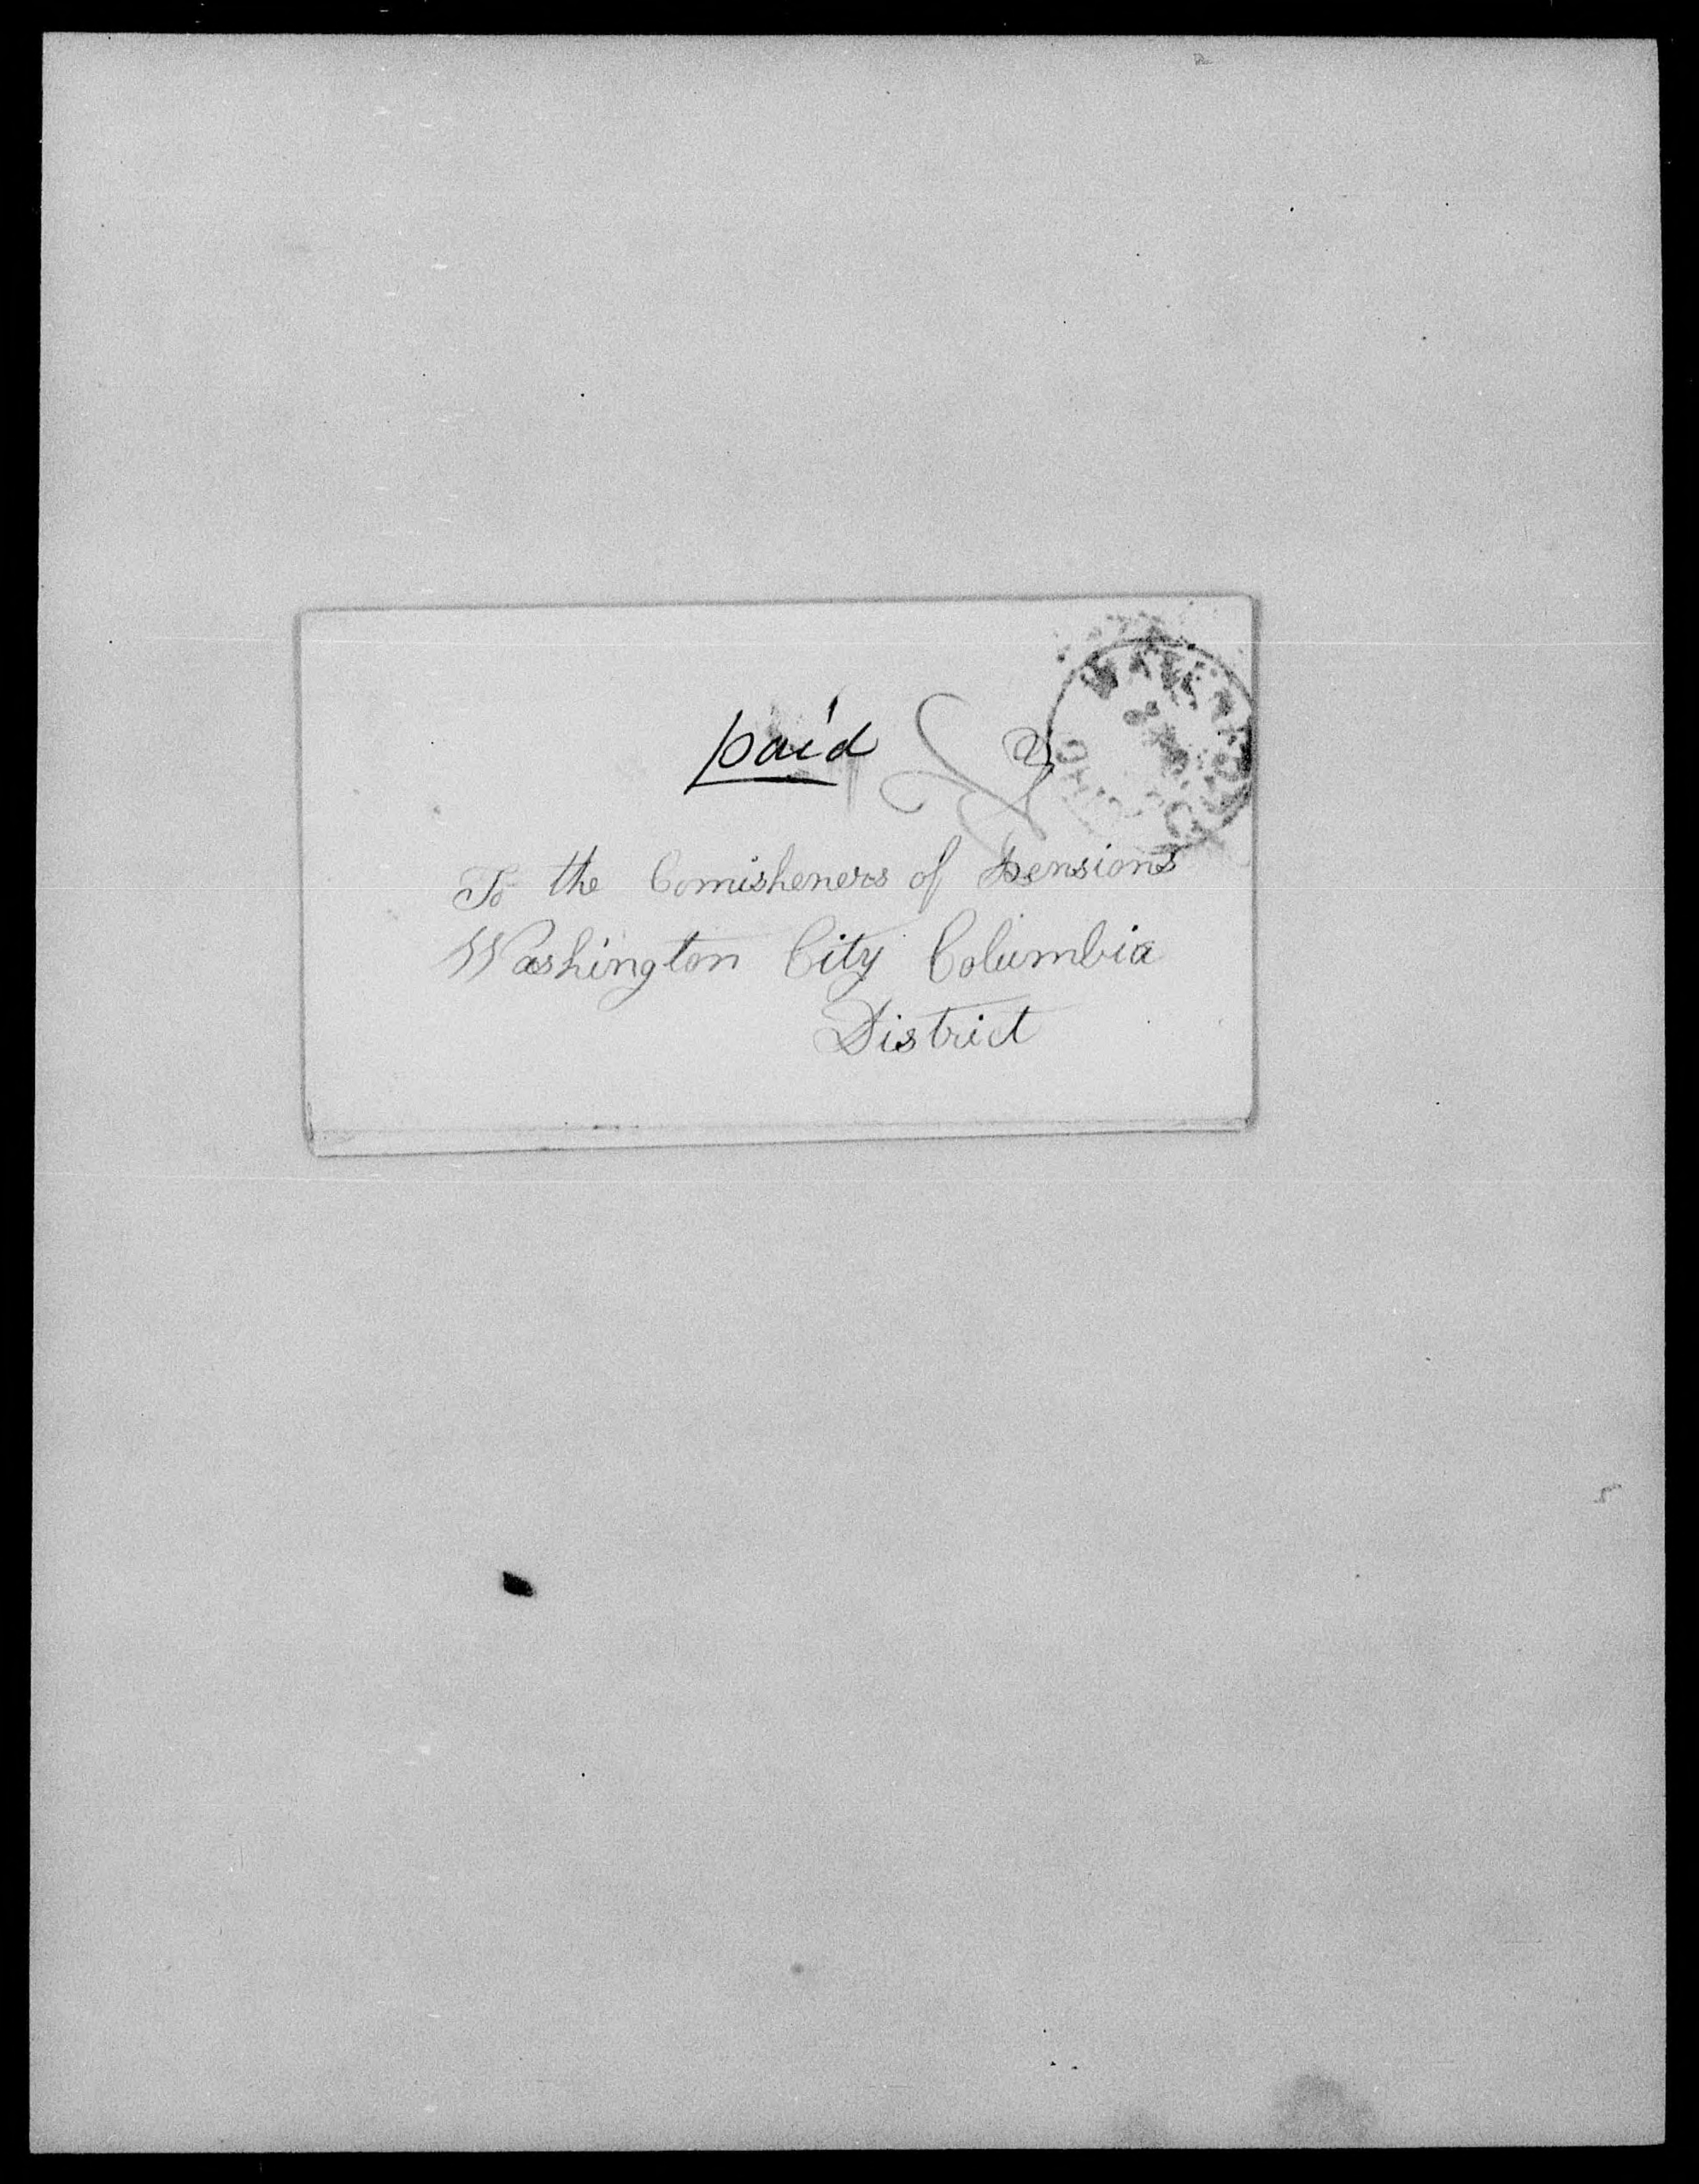paid 
[stamp] WATERFORD OHIO
To the Comisheners of Pensions 
Washington City Columbia 
District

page: 16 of 33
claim: rejected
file: R. 5814, for John Keever, Maryland